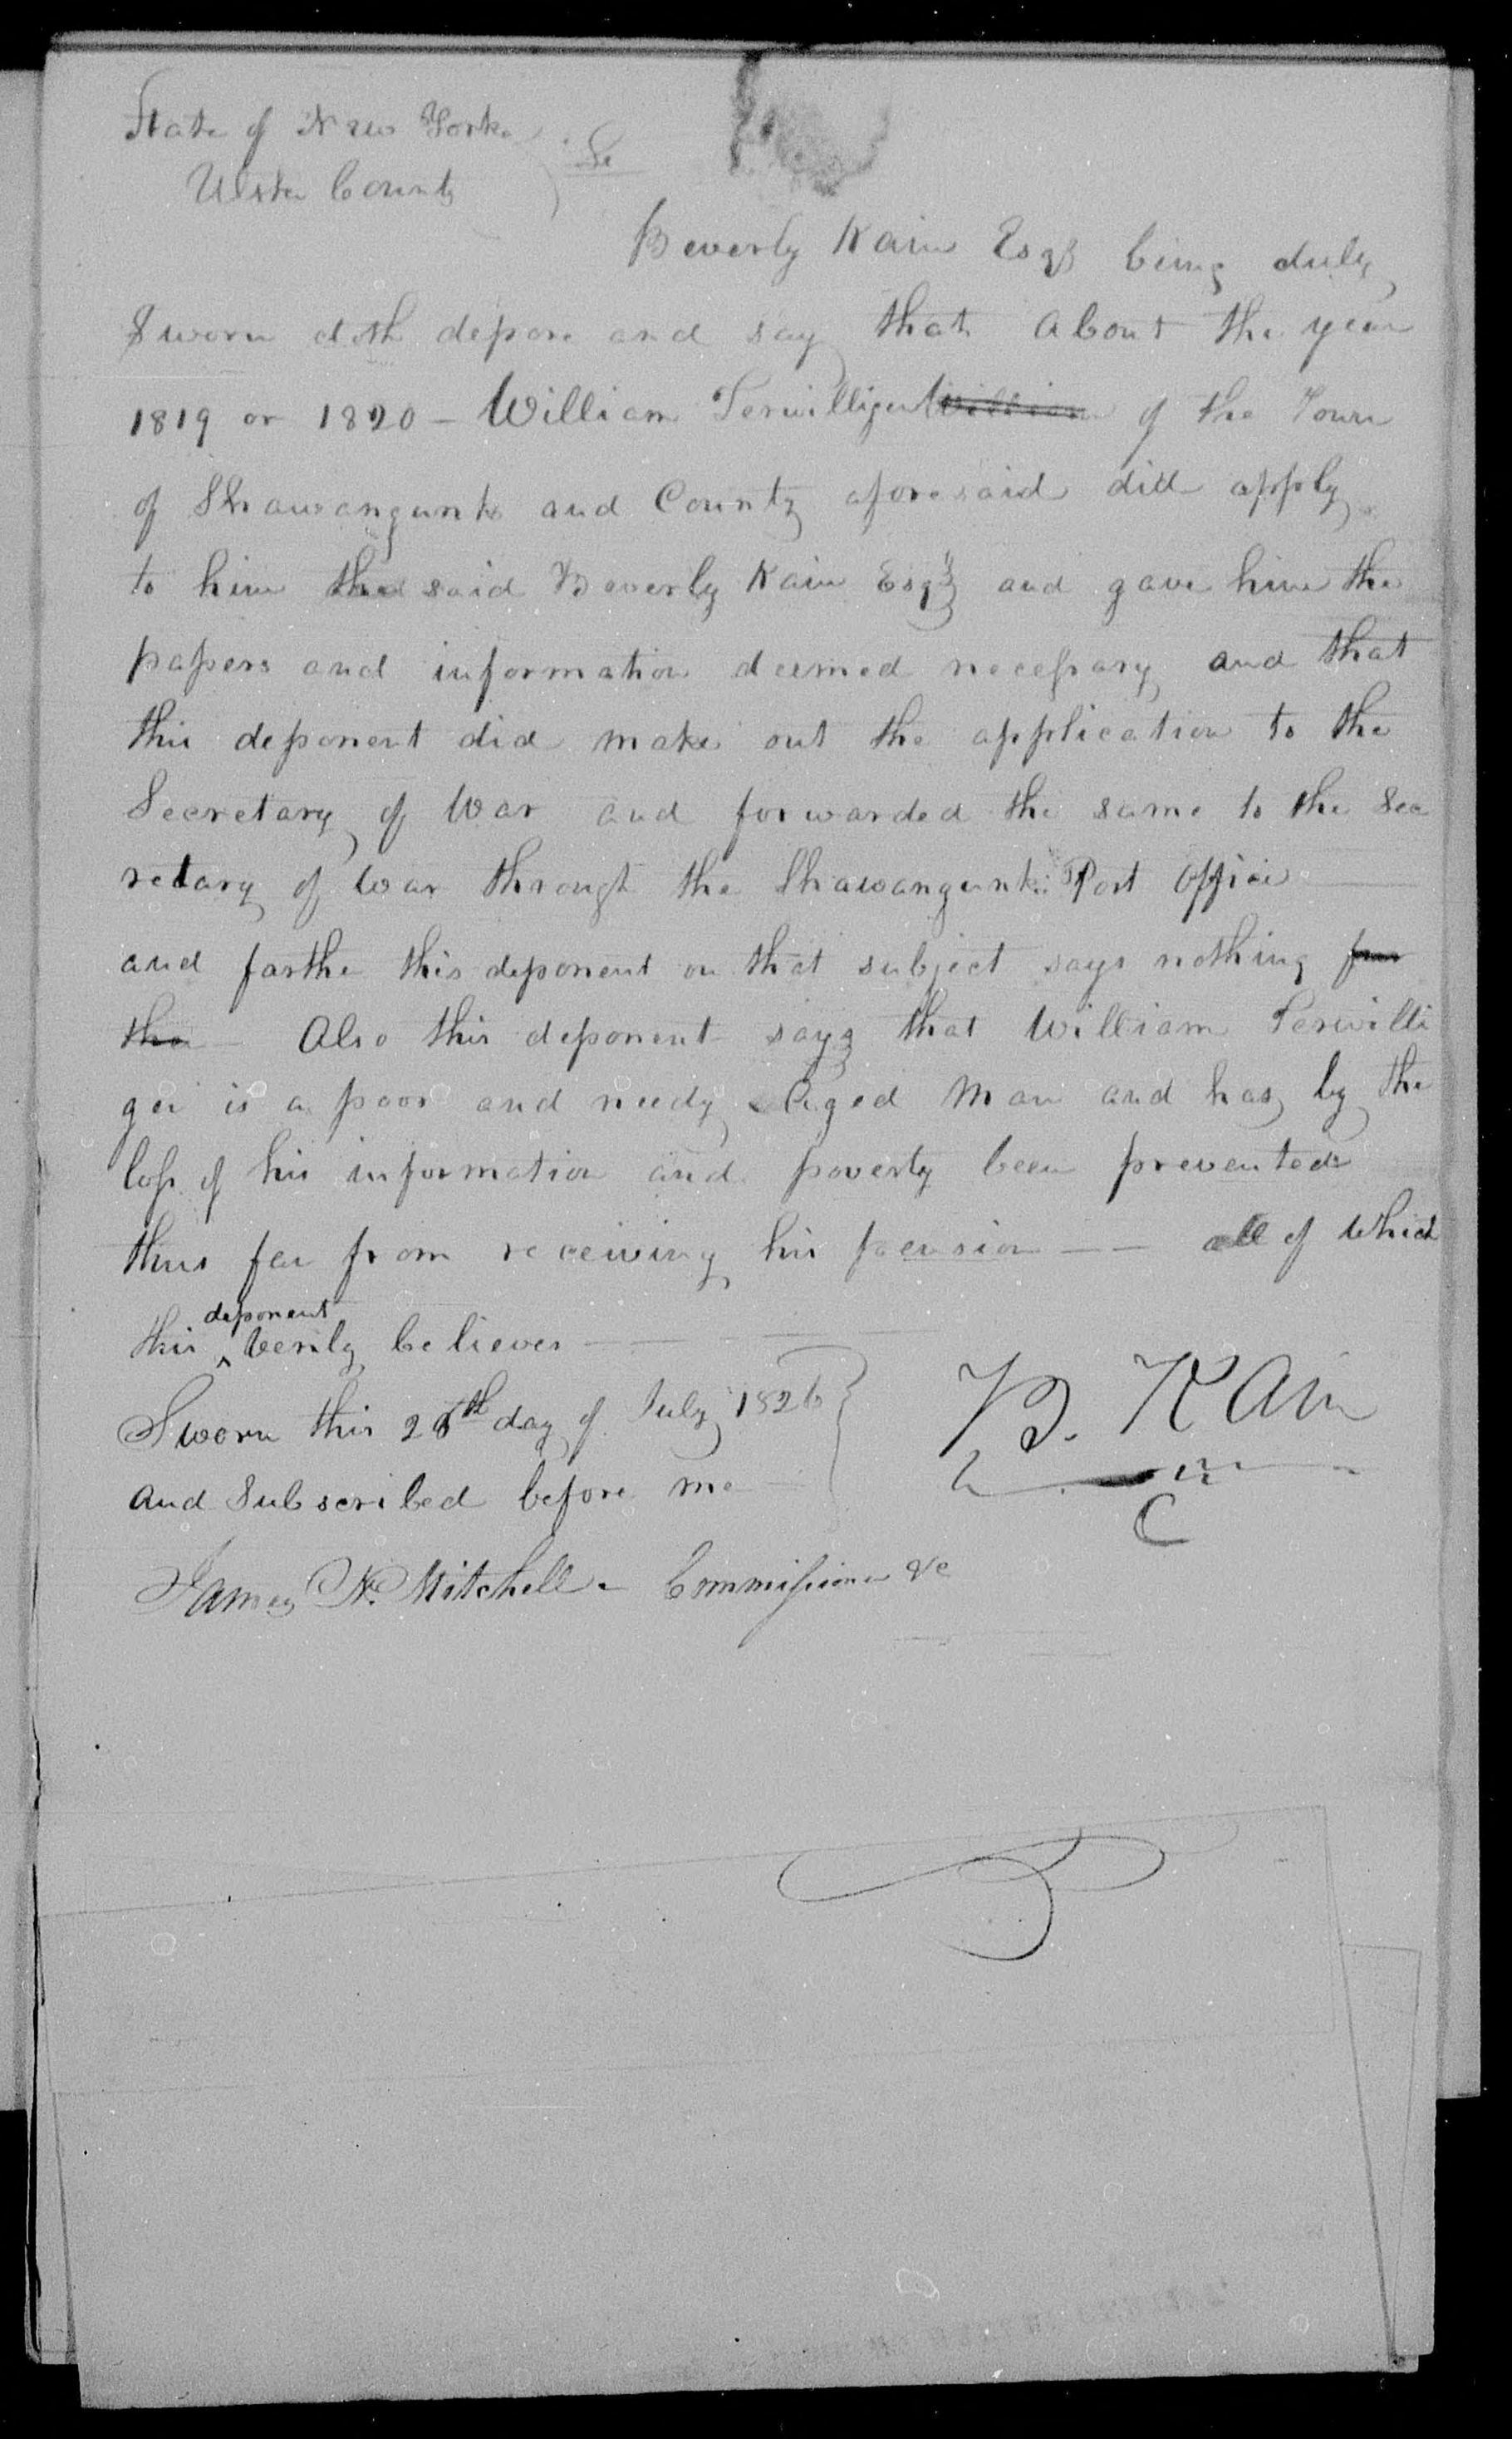State of New YorkUlster County
Beverly Kain Esqr being duly
Sworn doth depose and say that about the year
1819 or 1820 - William Terwilligate of the Town of
Shawangunk and County aforesaid did apply
to him the said Beverly Rain Esq and gave him the
papers and information deemed necessary, and that
this deponent did make out the application to the
Secretary of War and forwarded the same to the secretary of war through the Shawangunk Post Office
and farther this deponent on that subject says nothing 
Also this deponent says that William Terwilliger
is a poor and needy aged man and has by the
loss of his information and poverty been prevented
this far from receiving his pension all
of which this deponent verily believes
Sworn this 25th day of July 1826
and subscribed before me
James N. Mitchell Commission &c

B Kain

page: 32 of 64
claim: survivor's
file: S. 42,464, for William Terwilliger, New York